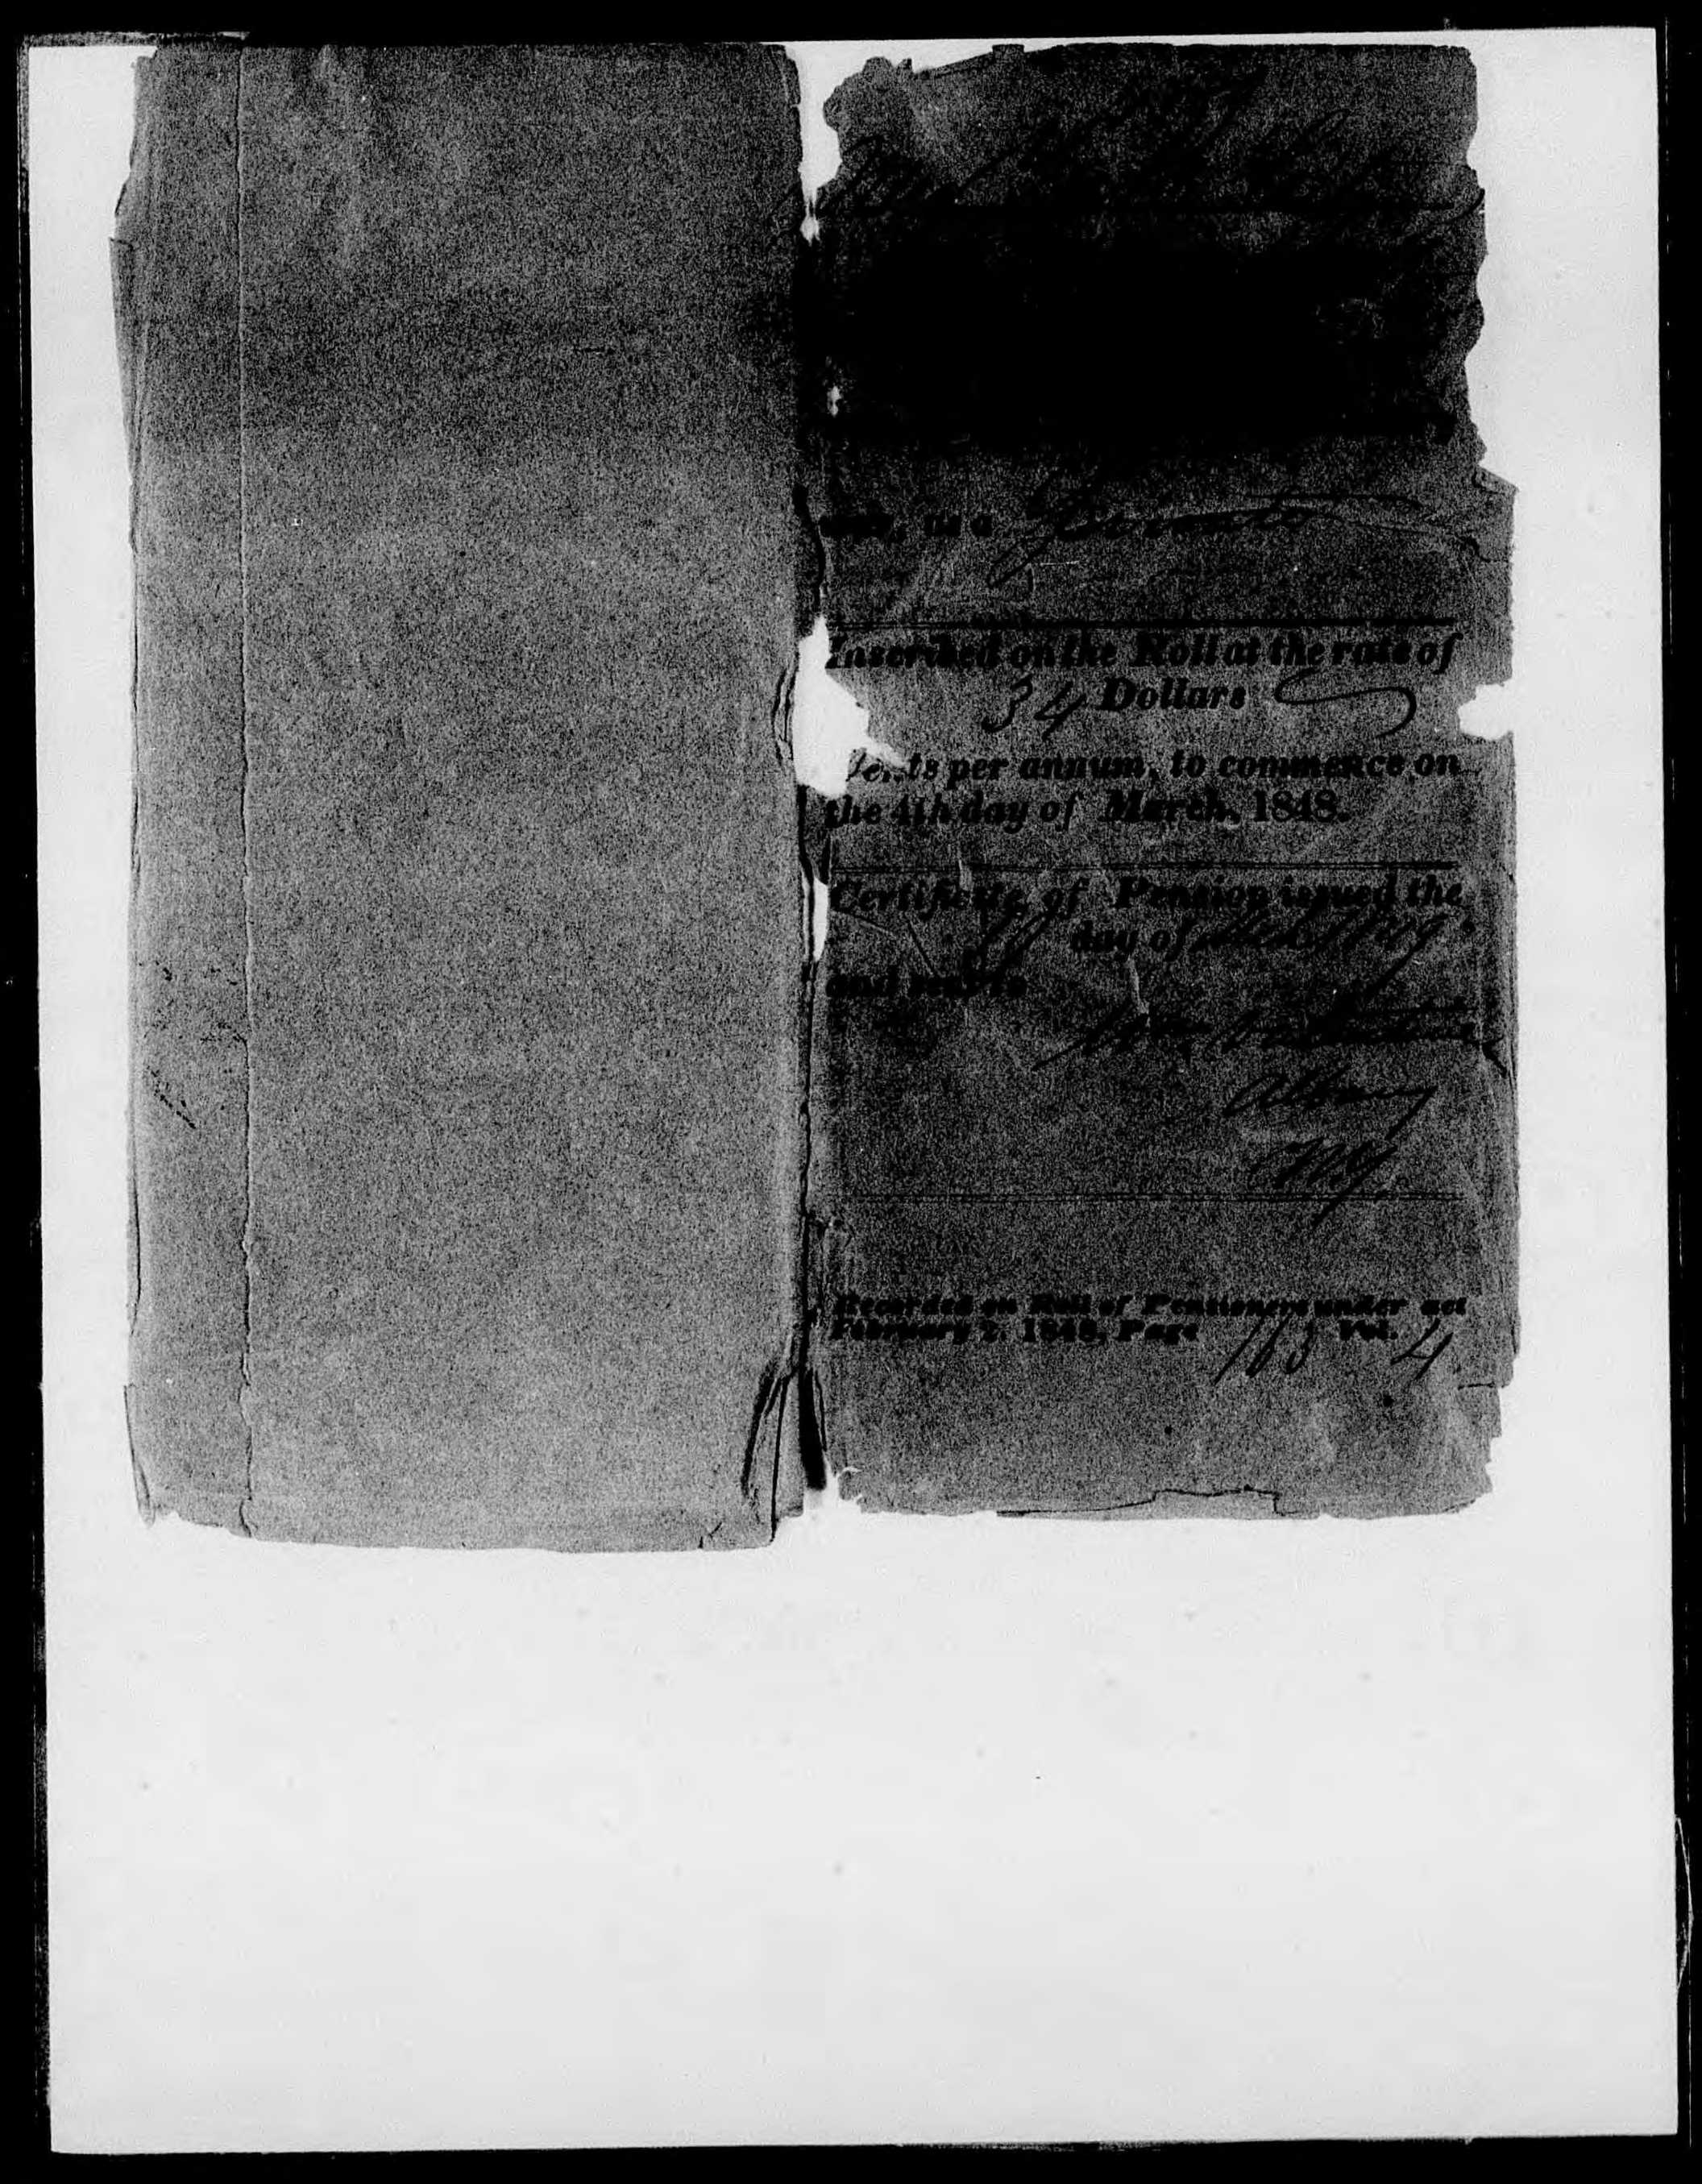[printed form with hand written responses]
[illegible]
as a private 
=============
Inscribed on the Roll at the rate of 34 Dollars --Cents per annum, to commence the 4th day of March, 1848.
=============
Certificate of Pension issued the 10 day of March 1849 and sent Wm. Valentine Albany N.Y.
==============
Recorded on the Roll of Pensioners under act February 2. 1848, Page 163 Vol. 4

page: 2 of 19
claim: widow's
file: W. 24363, for Abraham Odell, New York